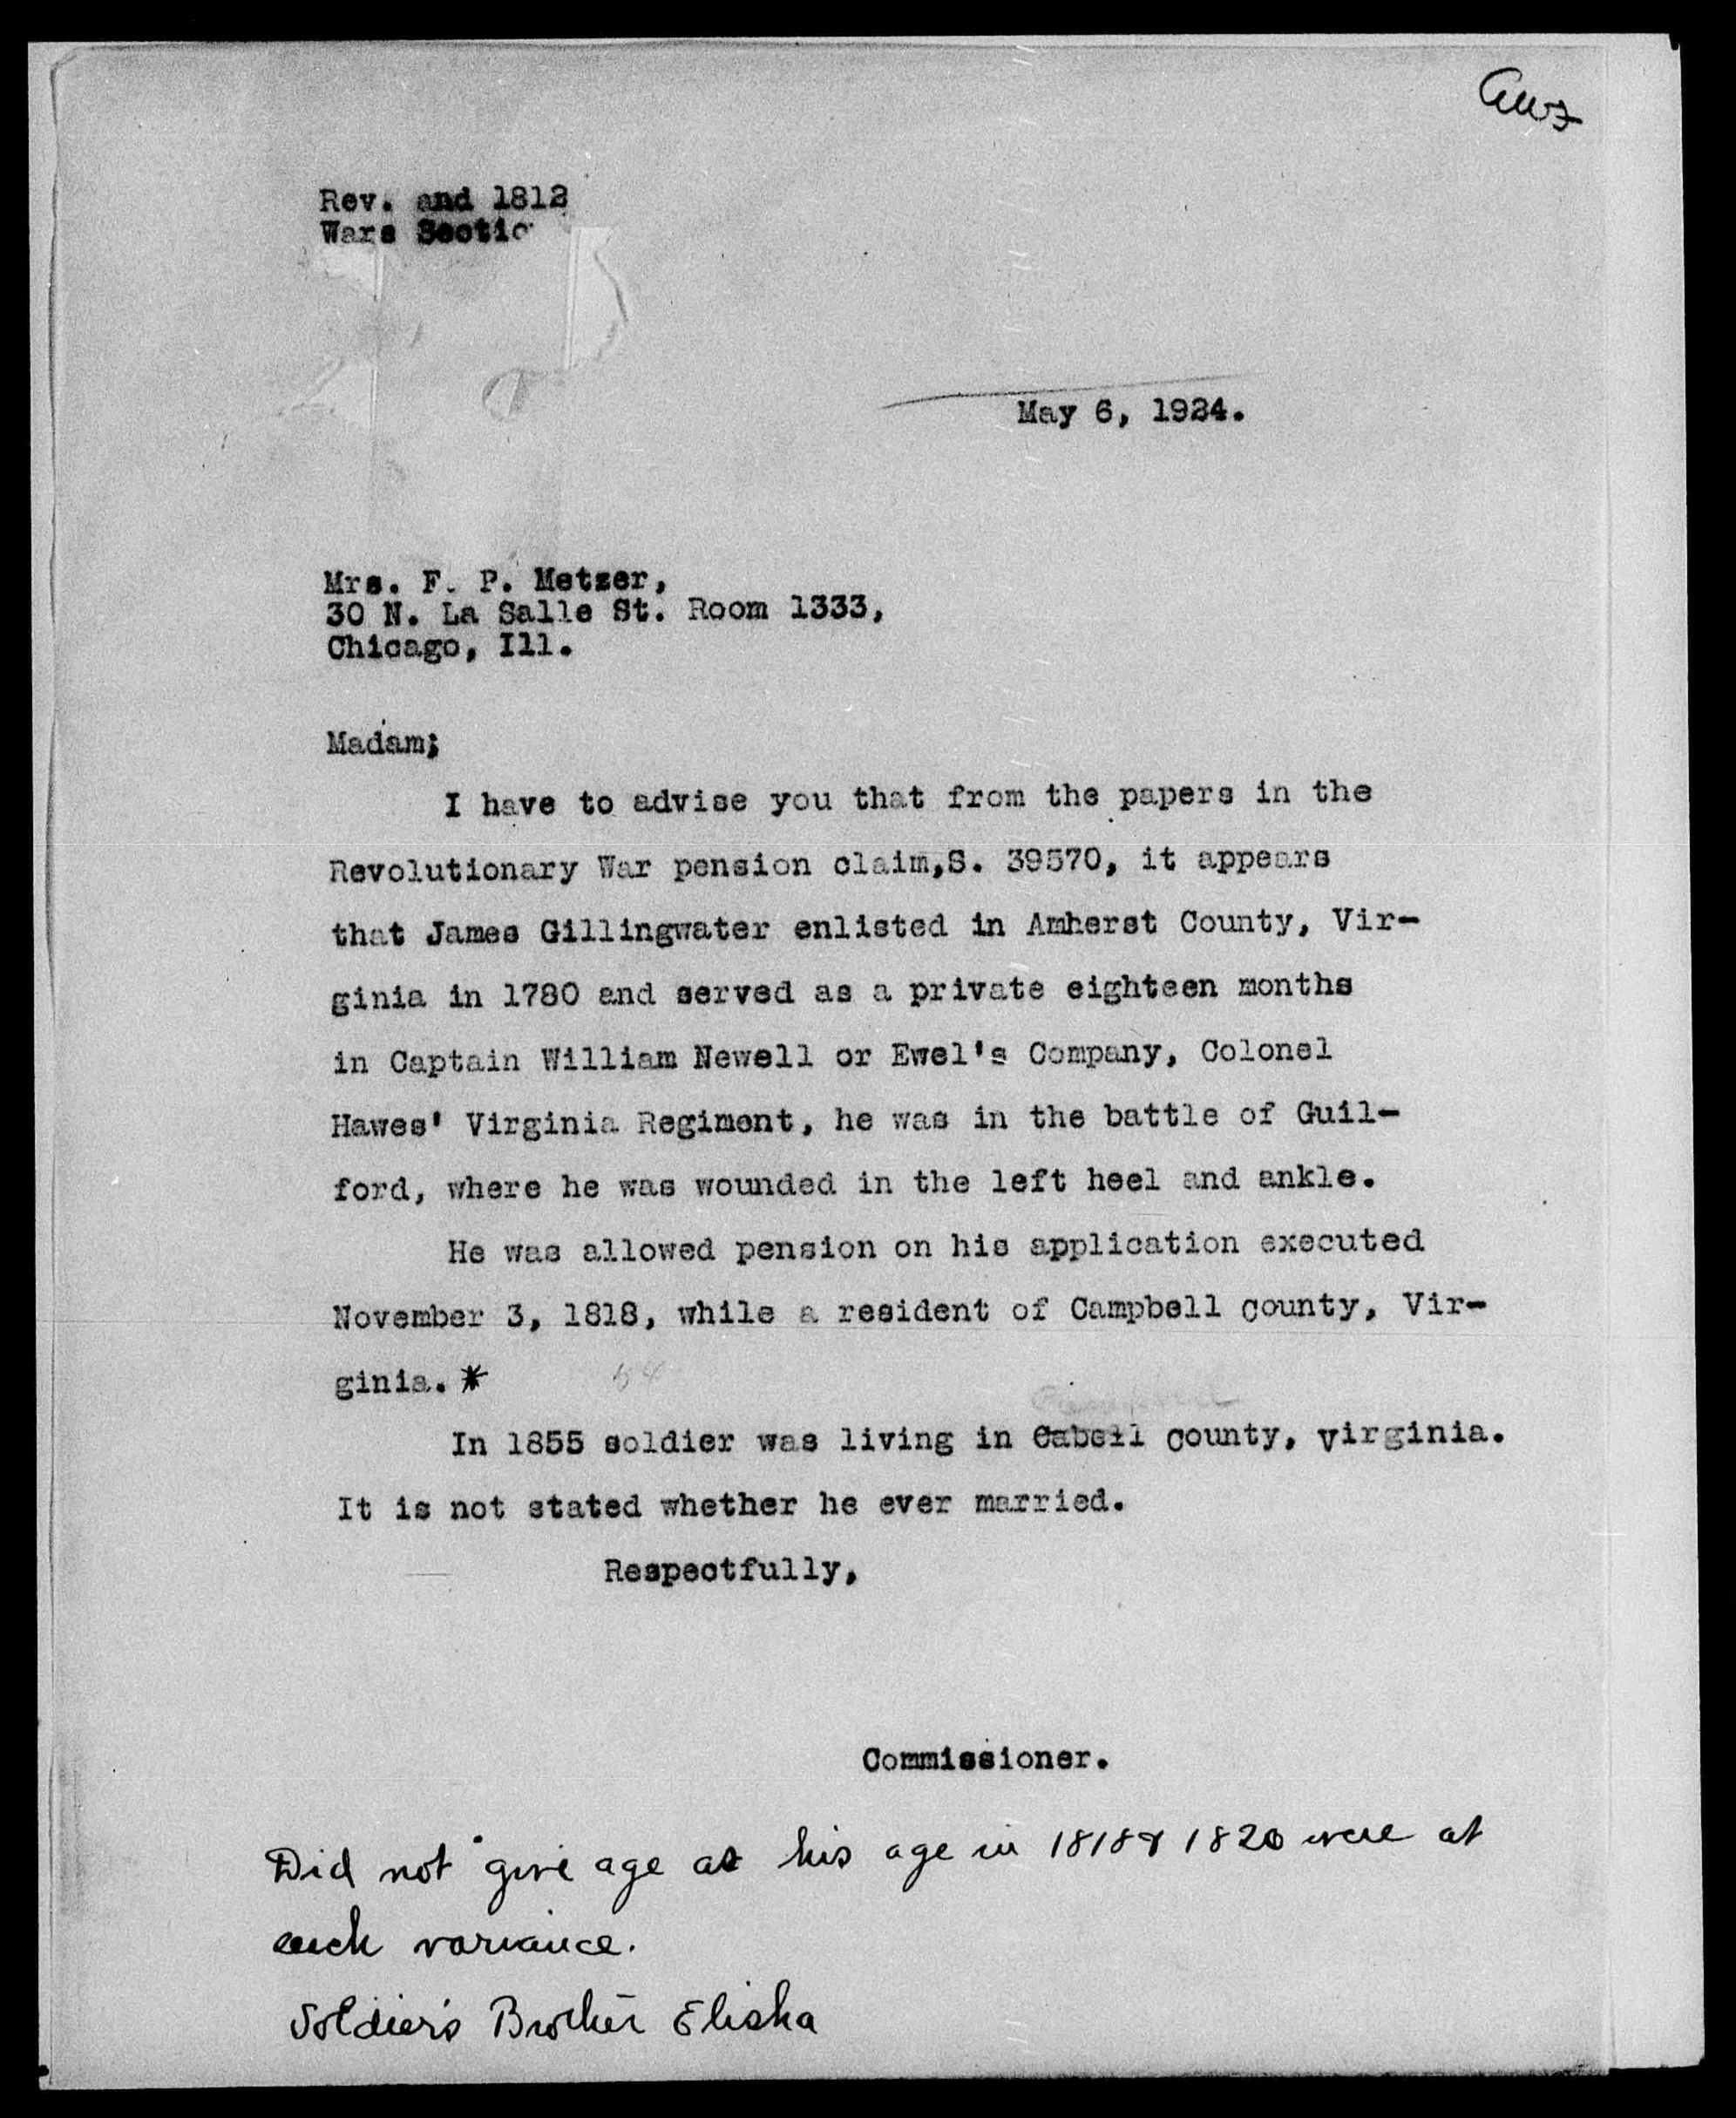Rev. and 1812 Wars Section

May 6, 1924.

Mrs. F. P. Metzer,
30 N. La Salle St. Room 1333, 
Chicago, Ill.

Madam;
I have to advise you that from papers in the Revolutionary War pension claim, S. 39570, it appears that James Gillingwater enlisted in Amherst County, Virginia in 1780 and served as a private eighteen months in Captain William Newell or Ewel's Company, Colonel Hawes' Virginia regiment, he was in the battle of Guilford, where he was wounded in the left heel and ankle.
He was allowed pension on his application executed November 3, 1818, while a resident of Campbell county, Virginia. [handwritten asterisk to the right.]
In 1855 soldier was living in Cabell County, Virginia. It is not stated whether he ever married.
Respectfully,
Comissioner.

[handwritten at the bottom. "Did not give age as his age in 1818 & 1820 were at such variance. Soldier's Brother Elisha"]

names: Elisha, James Gillingwater, F P Metzer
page: 34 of 36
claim: survivor's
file: S. 39570, James Gillingwater, Va.